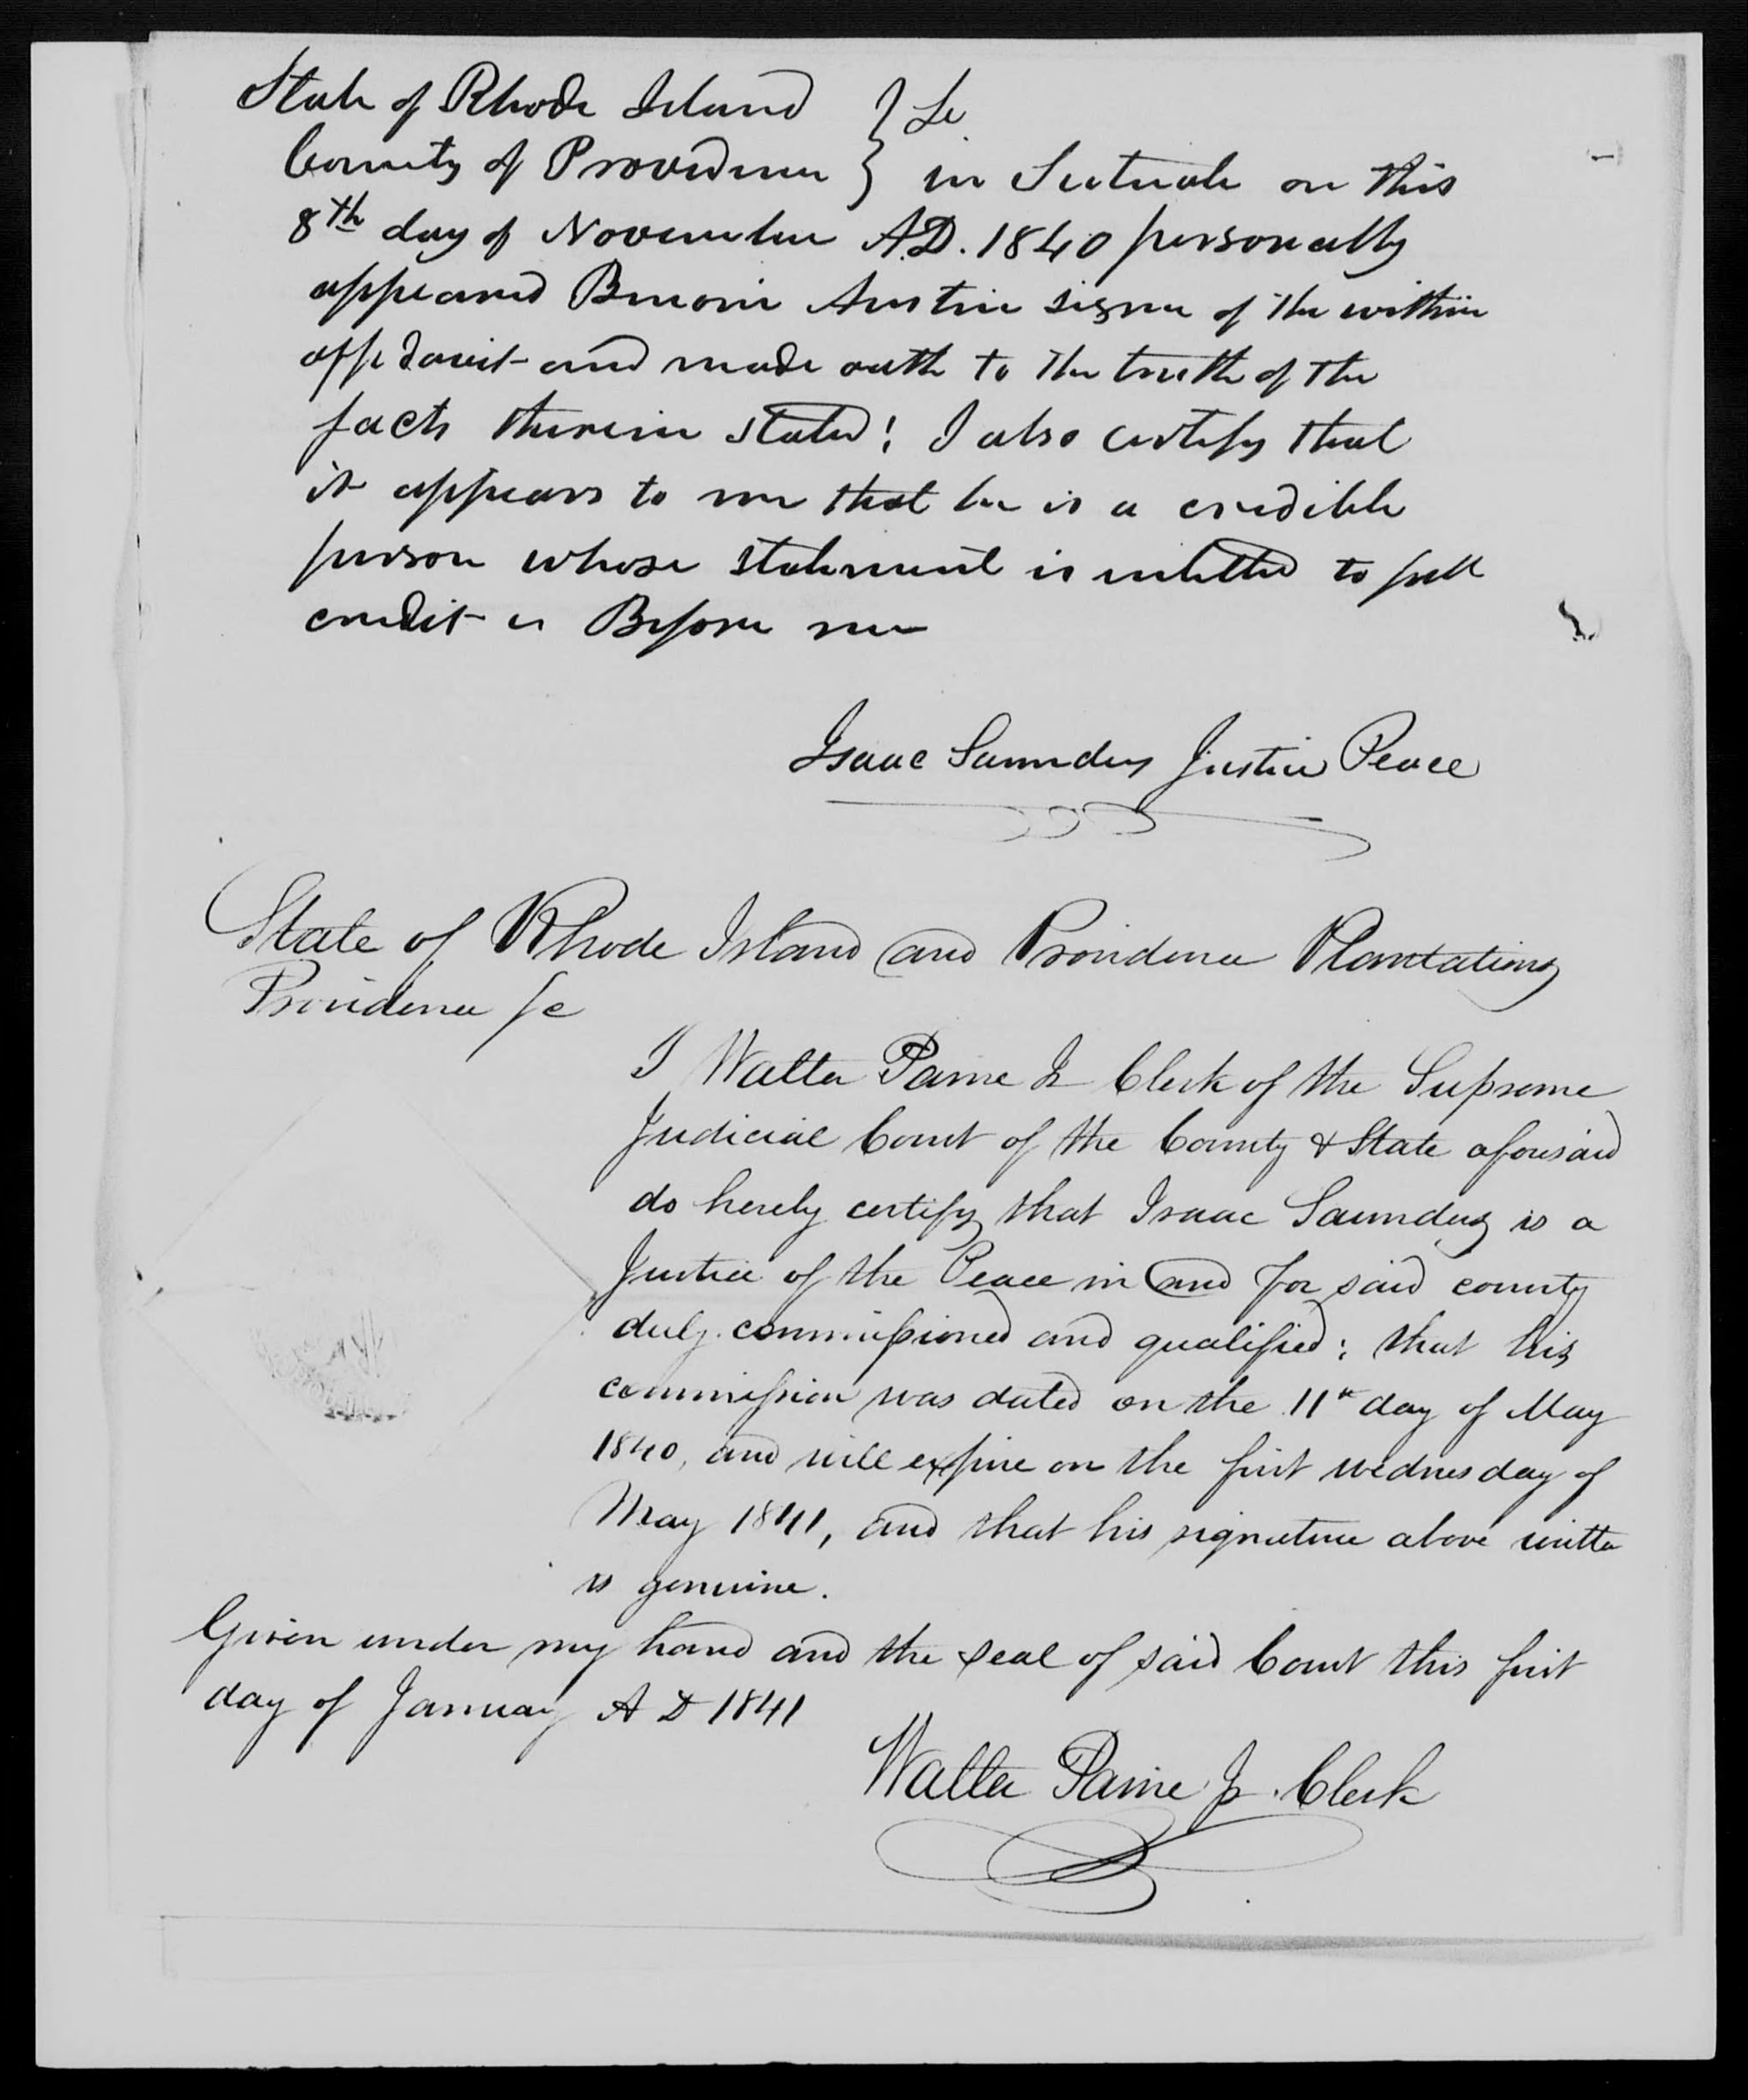State of Rhode Island}
County of Providence} Sc
in Scituate on this 8th day of November A. D. 1840 personally appeared Benoni Austin signer of the within affidavit-  and under oath to the truth of the facts therein stated:  I also certify that it appears to me that he is a credible person whose statement is entitled to full credit
Before me
{Signature] Isaac Saunders  Justice Peace
State of Rhode Island and Providence Plantations Providence Sc
I Walter Paine Jr Clerk of the Supreme Judicial Court of the County & State aforesaid do hereby certify that Isaac Saunders is a Justice of the Peace in and for said county duly commissioned and qualified; that his commission was dated on the 11th day of May 1840, and will expire on the first Wednesday of May 1841, and that his signature above written is genuine.
Given under my hand and the seal of said Court this first day of January AD 1841
[Signature] Walter Paine  Jr. Clerk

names: Walter Paine, Walter Paine, Isaac Saunders, Benoni Austin, Isaac Saunders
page: 10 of 18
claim: widow's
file: W. 20640, Caleb Austin, R.I.